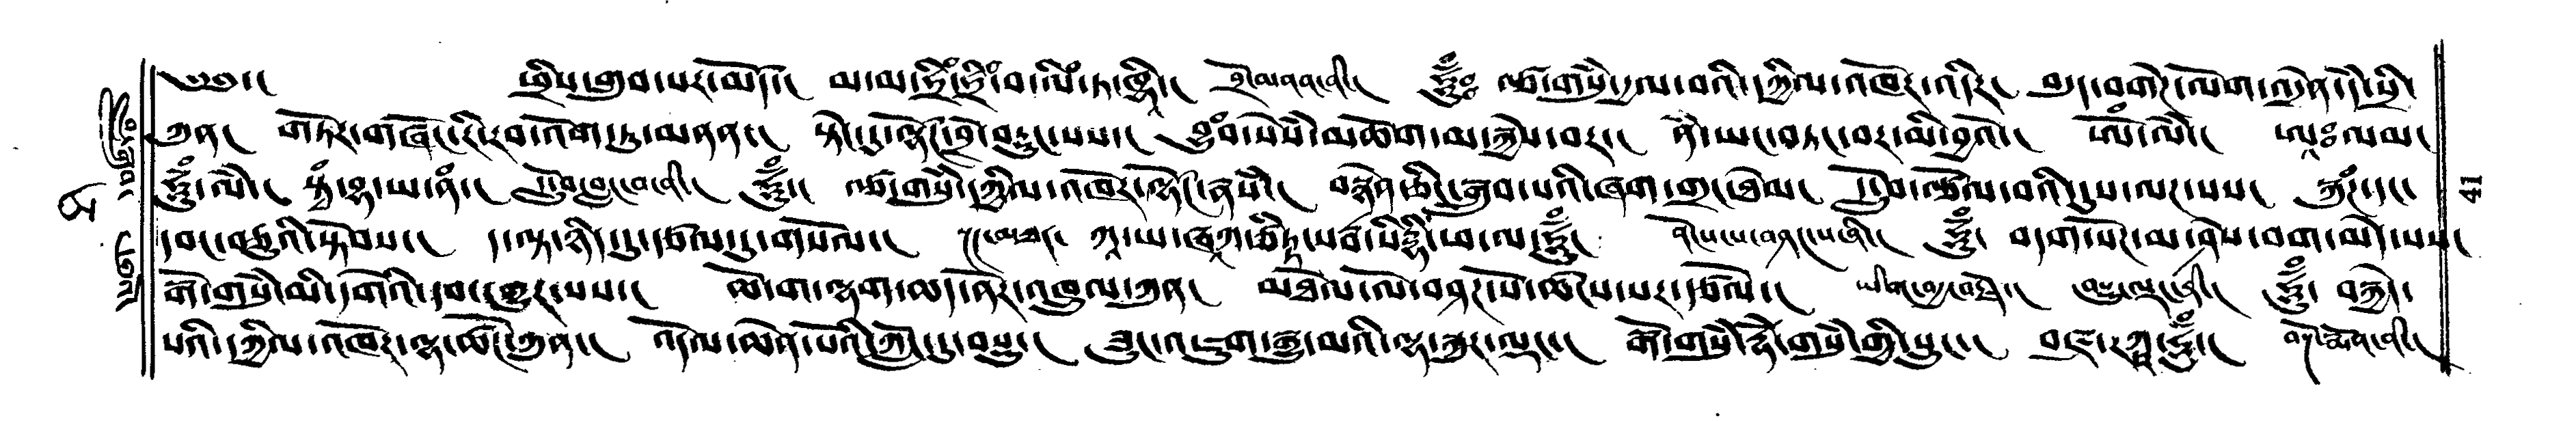ཕྲིན་ལས་འགྲུབ་པར་མཛོད། མ་མ་ཧྲིཾ་ཧྲིཾ་བ་ལིཾ་ཏ་ཁཱ་ཧིཿ བྲོ་མནན་ནི། ཧཱུྃ། རྩ་གསུམ་རྒྱལ་བའི་དཀྱིལ་འཁོར་འདིར། །བདུད་བགེགས་ལོག་འདྲཻན་དམ་སྲི་
ཀུན། །གཏོར་གཞོང་རི་རབ་འོག་ཏུ་མནན། །སྟེང་དུ་ལྷ་ཚོགས་བྲོ་བརྡུང་པས། བྱང་ཆུབ་སེམས་མཆོག་མ་སྐྱེས་བར། ནམ་ཡང་གཏང་བར་མི་བྱའོ། ཨོཾ་ལམ། ཨཱཿལམ། 
ཧཱུྃ་ལམ། སྟྭཾ་བྷ་ཡ་ནཾ། དངོས་གྲུབ་བླང་བ་ནི། ཧཱུྃ། རྩ་གསུམ་དཀྱིལ་འཁོར་ལྷ་ཚོགས་རྣམས། །བསྙེན་ཅིང་སྒྲུབ་པའི་ཞག་གྲངས་ཐེམ། །དངོས་གྲུབ་སྩོལ་བའི་དུས་ལགས་པས། །སྐུ་གསུང་ཐུུགས་དང་
དབང་བཅུའི་སྟོབས། །ད་ལྟ་ཉིད་དུ་བསྩལ་དུ་གསོལ། སྔགས་མཐར། ཀཱ་ཡ་ཝཱ་ཀ་ཙིཏྟ་སརྦ་སིདྡྷི་ཕ་ལ་ཧཱུྃ། ནོངས་པ་བཤགས་པ་ནི། ཧཱུྃ། བདག་སོགས་མ་ཤེས་བག་མེད་པས། །
སྒོ་གསུམ་མི་དགེའི་དབང་གྱུར་པས། །ཆོ་ག་ལྷག་ཆད་ནོར་འཁྲུལ་ཀུན། །མཐོལ་ལོ་བཤགས་སོ་ཚངས་པར་སྩོལ། ཡིག་བརྒྱ་བརྗོད། བསྡུ་ལྡང་ནི། ཧཱུྃ། བསྐྱེད་
པའི་དཀྱིལ་འཁོར་ལྷ་ཚོགས་ཀུན། །འོད་གསལ་ཆེན་པོའི་ཀློང་དུ་བསྡུ། །ཟུང་འཇུག་སྒྱུ་མའི་ལྷ་སྐུར་ལྡང་། །སྒོ་གསུམ་རྡོ་རྗེ་གསུམ་གྱིས་བསྲུང་། བཛྲ་རཀྵ་ཧཱུྃ། བསྔོ་སྨོན་ནི།